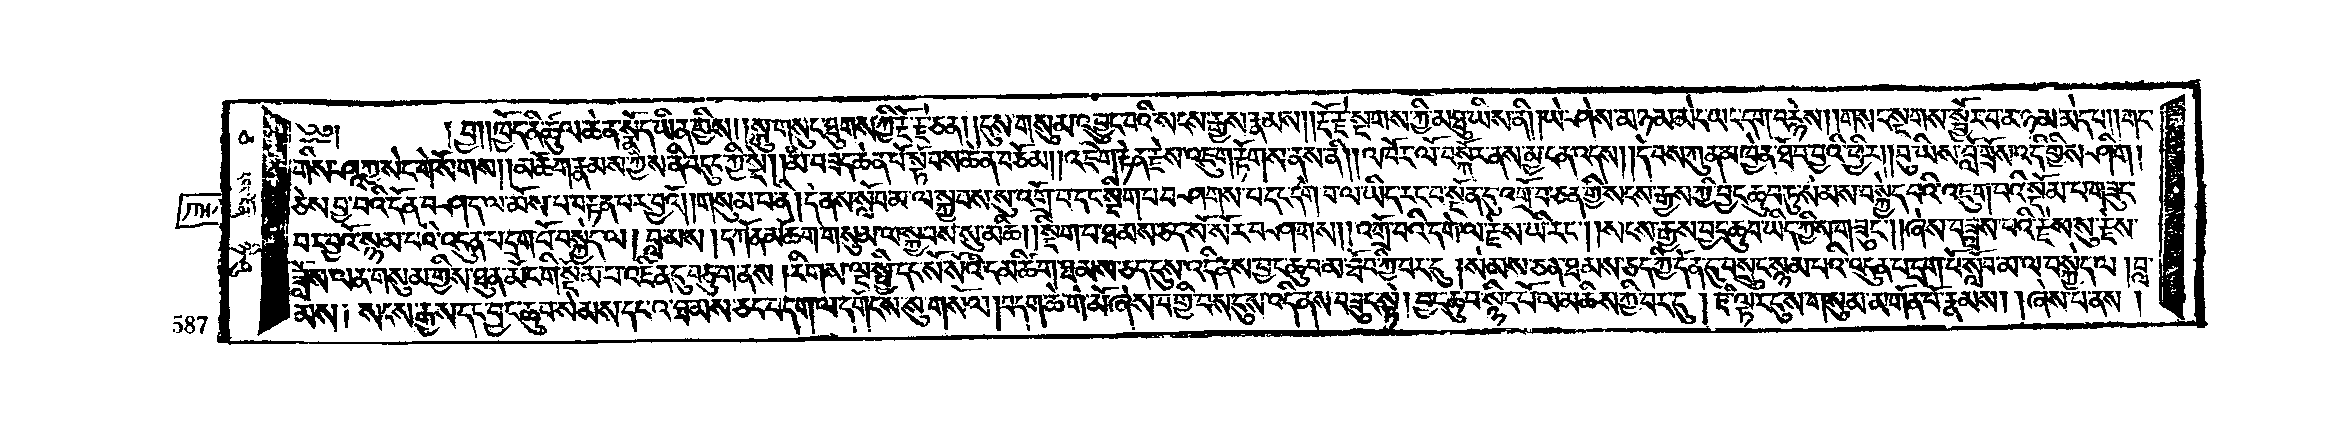༄༅། །བྱ། །ཁྱོད་ནི་ཚུལ་ཆེན་སྣོད་ཡིན་གྱིས། །སྐུ་གསུང་ཐུགས་ཀྱི་རྡོ་རྗེ་ཅན། །དུས་གསུམ་འབྱུང་བའི་སངས་རྒྱས་རྣམས། །རྡོ་རྗེ་སྔགས་ཀྱི་མཐུ་ཡིས་ནི། །ཡེ་ཤེས་མཉམ་མེད་ཡང་དག་བརྙེས། །གསང་སྔགས་སྦྱོར་བ་མཉམ་མེད་པ། །གང་
གིས་ཤཱཀྱ་སེང་གེ་སོགས། །མཆོག་རྣམས་ཀྱིས་ནི་བདུད་ཀྱི་སྡེ། །མི་བཟད་ཆེན་པོ་སྟོབས་ཆེན་བཅོམ། །འཇིག་རྟེན་རྗེས་འཇུག་རྟོགས་ནས་ནི། །འཁོར་ལོ་བསྐོར་ནས་མྱ་ངན་འདས། །དེ་བས་ཀུན་མཁྱེན་ཐོབ་བྱའི་ཕྱིར། །བུ་ཡིས་བློ་གྲོས་འདི་གྱིས་ཤིག །
ཅེས་བྱ་བའི་དོན་བཤད་ལ་མོས་པ་བརྟན་པར་བྱའོ། །གསུམ་པ་ནི། དེ་ནས་སློབ་མ་ལ་སྐྱབས་སུ་འགྲོ་བ་དང་སྡིག་པ་བཤགས་པ་དང་དགེ་བ་ལ་ཡིད་རང་བ་སྔོན་དུ་འགྲོ་བ་ཅན་གྱི་སངས་རྒྱས་ཀྱི་བྱང་ཆུབ་ཏུ་སེམས་བསྐྱེད་པའི་འཇུག་པའི་སྡོམ་པ་གཟུང་
བར་བྱའོ་སྙམ་པའི་འདུན་པ་དྲག་པོ་བསྐྱེད་ལ། བླ་མས། དཀོན་མཆོག་གསུམ་ལ་སྐྱབས་སུ་མཆི། །སྡིག་པ་ཐམས་ཅད་སོ་སོར་བཤགས། །འགྲོ་བའི་དགེ་ལ་རྗེས་ཡི་རང་། །སངས་རྒྱས་བྱང་ཆུབ་ཡིད་ཀྱིས་གཟུང་། །ཞེས་བཟླས་པའི་རྗེས་སུ་རྗེས་
ཟློས་ལན་གསུམ་གྱིས་ཐུན་མོང་གི་སྡོམ་པ་འཛིན་དུ་བཅུག་ནས་།རིགས་ལྔ་སྤྱི་དང་སོ་སོའི་དམ་ཚིག་ཐམས་ཅད་དུས་འདི་ནས་བྱང་ཆུབ་མ་ཐོབ་ཀྱི་བར་དུ། སེམས་ཅན་ཐམས་ཅད་ཀྱི་དོན་དུ་བསྲུང་སྙམ་པའི་འདུན་པ་དྲག་པོ་སློབ་མ་ལ་བསྐྱེད་ལ། བླ་
མས། སངས་རྒྱས་དང་བྱང་ཆུབ་སེམས་དཔའ་ཐམས་ཅད་བདག་ལ་དགོངས་སུ་གསོལ་།བདག་ཆེ་གེ་མོ་ཞེས་བགྱི་བས་དུས་འདི་ནས་བཟུང་སྟེ། བྱང་ཆུབ་སྙིང་པོ་ལ་མཆིས་ཀྱི་བར་དུ། ཇི་ལྟར་དུས་གསུམ་མགོན་པོ་རྣམས། །ཞེས་པ་ནས།